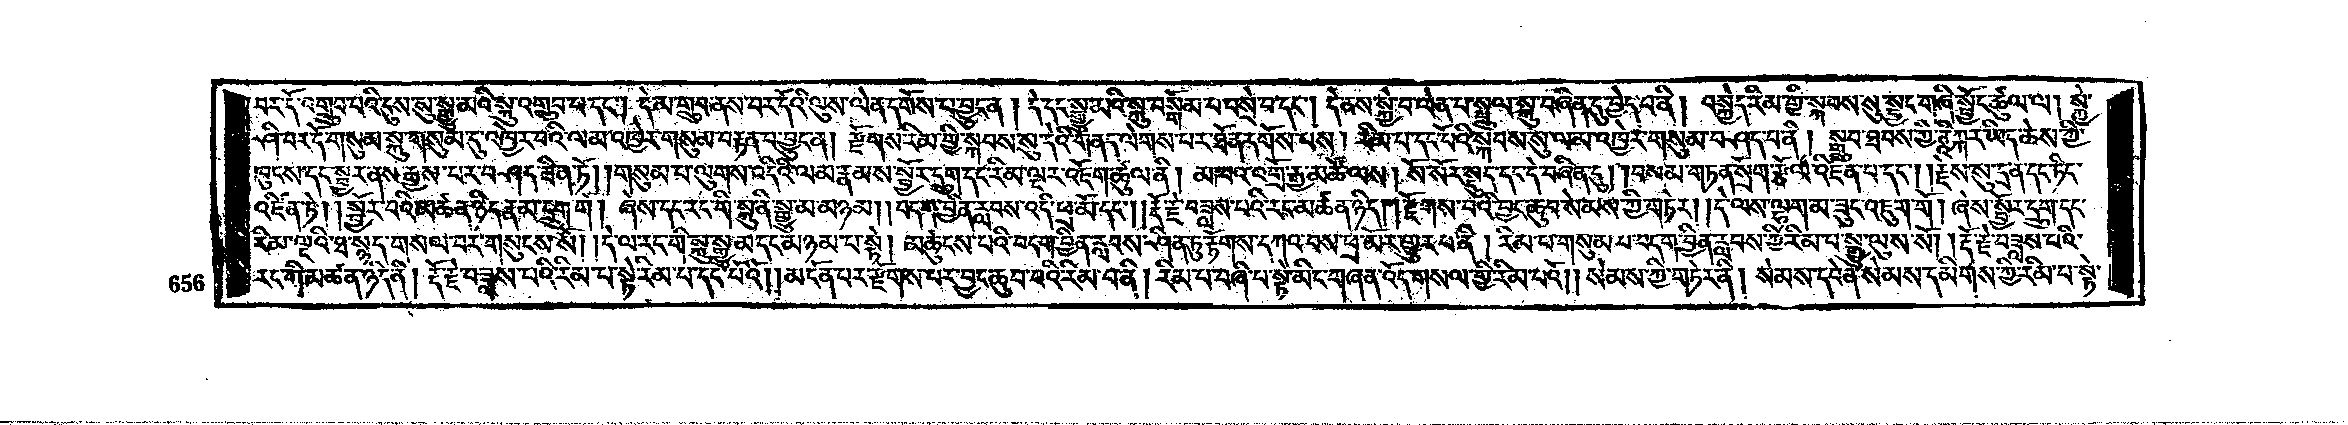བར་དེ་འགྲུབ་པའི་དུས་སུ་སྒྱུ་མའི་སྐུ་འགྲུབ་པ་དང་། དེ་མ་གྲུབ་ནས་བར་དོའི་ལུས་ལེན་དགོས་པ་བྱུང་ན། དེ་དང་སྒྱུ་མའི་སྐུ་བསྒོམ་པ་བསྲེ་བ་དང་། དེ་ནས་སྐྱེ་བ་ལེན་པ་སྤྲུལ་སྐུ་བཞིན་དུ་བྱེད་པ་ནི། བསྐྱེད་རིམ་གྱི་སྐབས་སུ་སྦྱང་གཞི་སྦྱོང་ཚུལ་ལ། སྐྱེ་
ཤི་བར་དེ་གསུམ་སྐུ་གསུམ་དུ་འཁྱེར་བའི་ལམ་འཁྱེར་གསུམ་བརྟན་པ་བྱུང་ན། རྫོགས་རིམ་གྱི་སྐབས་སུ་དེའི་གནད་ལེགས་པར་ཐོན་དགོས་པས། རིམ་པ་དང་པོའི་སྐབས་སུ་ལམ་འཁྱེར་གསུམ་བཤད་པ་ནི། སྒྲུབ་ཐབས་ཀྱི་ཊཱི་གར་ཡིད་ཆེས་ཀྱི་
ཁུངས་དང་སྦྱར་ནས་རྒྱས་པར་བཤད་ཟིན་ཏོ། །གསུམ་པ་ལུགས་འདིའི་ལམ་རྣམས་སྦྱོར་དྲུག་དང་རིམ་ལྔར་འཇོག་ཚུལ་ནི། མཁའ་འགྲོ་རྒྱ་མཚོ་ལས། སོ་སོར་སྡུད་དང་དེ་བཞིན་དུ། །།བསམ་གཏན་སྲོག་རྩོལ་འཛིན་པ་དང་། །རྗེས་སུ་དྲན་དང་ཏིང་
འཇིག་ཏེ། །སྦྱོར་བའི་མཚན་ཉིད་རྣམ་དྲུག་གོ །ཞེས་དང་རང་གི་སྐུ་ནི་སྒྱུ་མ་མཉམ། །བདག་བྱིན་རླབས་འདི་ཕྲ་མོ་དང་། །རྡོ་རྗེ་བཟླས་པའི་རང་མཚན་ཉིད། །རྫོགས་པའི་བྱང་ཆུབ་སེམས་ཀྱི་གཏེར། །དེ་ལས་ལྷག་མ་ཟུང་འཇུག་གོ །ཞེས་སྦྱོར་དྲུག་དང་
རིམ་ལྔའི་ཐ་སྙད་གསལ་བར་གསུངས་སོ། །དེ་ལ་རང་གི་སྐུ་སྒྱུ་མ་དང་མཉམ་པ་སྟེ། མཚུངས་པའི་བདག་བྱིན་རླབས་ཤིན་ཏུ་རྟོགས་དཀའ་བས་ཕྲ་མོར་གྱུར་པ་ནི། རིམ་པ་གསུམ་པ་བདག་བྱིན་རླབས་ཀྱི་རིམ་པ་སྒྱུ་ལུས་སོ། །རྡོ་རྗེ་བཟླས་པའི་
རང་གི་མཚན་ཉིད་ནི། རྡོ་རྗེ་བཟླས་པའི་རིམ་པ་སྟེ་རིམ་པ་དང་པོའོ། །མངོན་པར་རྫོགས་པར་བྱང་ཆུབ་པའི་རིམ་པ་ནི། རིམ་པ་བཞི་པ་སྟེ་མིང་གཞན་འོད་གསལ་གྱི་རིམ་པའོ། །སེམས་ཀྱི་གཏེར་ནི། སེམས་དབེན་སེམས་དམིགས་ཀྱི་རིམ་པ་སྟེ་